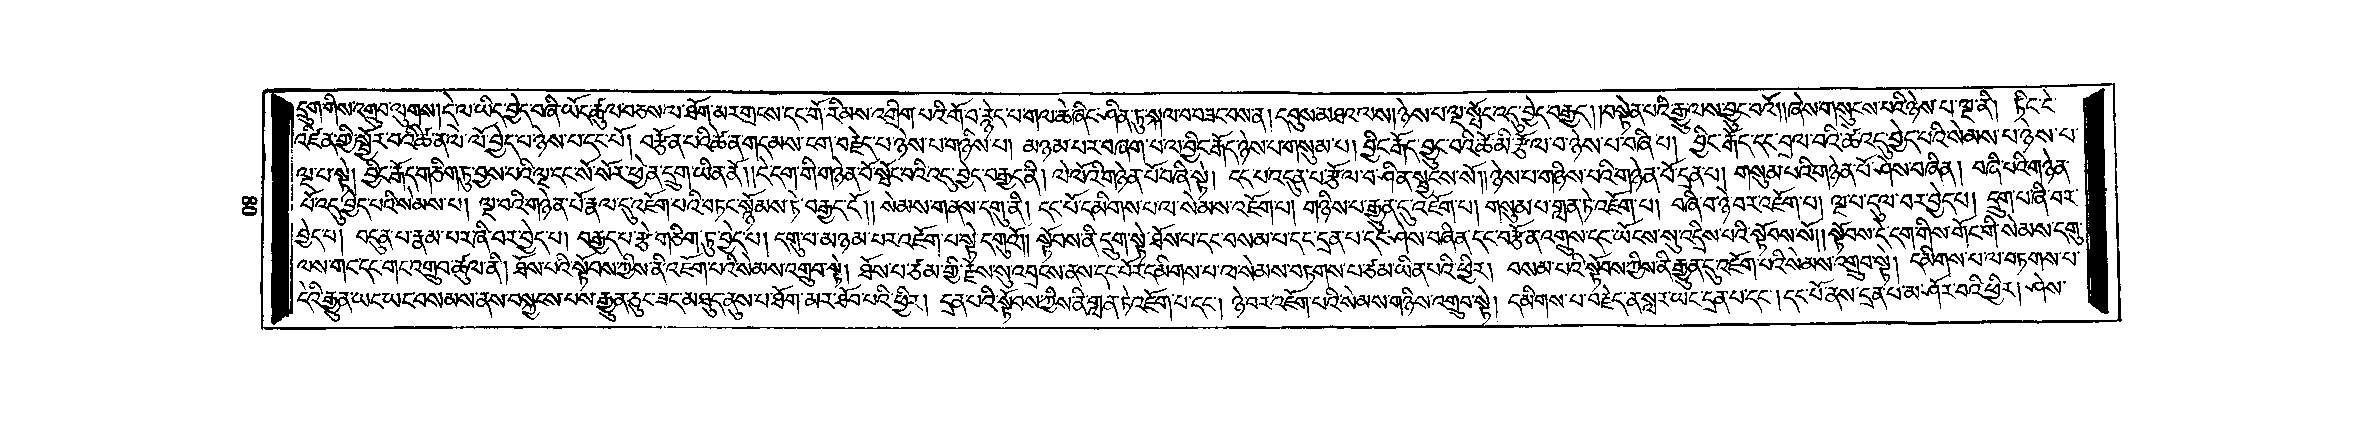དྲུག་གིས་འགྲུབ་ལུགས། དེ་ལ་ཡིད་བྱེད་བཞི་ཡོད་ཚུལ་བཅས་ལ་ཐོག་མར་གྲངས་དང་གོ་རིམས་འགྲིག་པའི་གོ་བ་རྙེད་པ་གལ་ཆེ་ཞིང་ཤིན་ཏུ་སྐལ་བ་བཟང་བས་ན། དབུས་མཐའ་ལས། ཉེས་པ་ལྔ་སྤོང་འདུ་བྱེད་བརྒྱད། །བསྟེན་པའི་རྒྱུ་ལས་བྱུང་བའོ། །ཞེས་གསུངས་པའི་ཉེས་པ་ལྔ་ནི། ཏིང་ངེ་
འཛིན་གྱི་སྦྱོར་བའི་ཚེ་ན་ལེ་ལོ་བྱེད་པ་ཉེས་པ་དང་པོ། བརྩོན་པའི་ཚེ་ན་གདམས་ངག་བརྗེད་པ་ཉེས་པ་གཉིས་པ། མཉམ་པར་གཞག་པ་ལ་བྱིང་རྒོད་ཉེས་པ་གསུམ་པ། བྱིང་རྒོད་བྱུང་བའི་ཚེ་མི་རྩོལ་བ་ཉེས་པ་བཞི་པ། བྱིང་རྒོད་དང་བྲལ་བའི་ཚེ་འདུ་བྱེད་པའི་སེམས་པ་ཉེས་པ་
ལྔ་པ་སྟེ། བྱིང་རྒོད་གཅིག་ཏུ་བྱས་པའི་ལྔ་དང་སོ་སོར་ཕྱེ་ན་དྲུག་ཡིན་ནོ། །དེ་དག་གི་གཉེན་པོ་སྤོང་བའི་འདུ་བྱེད་བརྒྱད་ནི། ལེ་ལོའི་གཉེན་པོ་བཞི་སྟེ། དད་པ་འདུན་པ་རྩོལ་བ་ཤིན་སྦྱངས་སོ། །ཉེས་པ་གཉིས་པའི་གཉེན་པོ་དྲན་པ། གསུམ་པའི་གཉེན་པོ་ཤེས་བཞིན། བཞི་པའི་གཉེན་
པོ་འདུ་བྱེད་པའི་སེམས་པ། ལྔ་བའི་གཉེན་པོ་རྣལ་དུ་འཇོག་པའི་བཏང་སྙོམས་ཏེ་བརྒྱད་དོ། །སེམས་གནས་དགུ་ནི། དང་པོ་དམིགས་པ་ལ་སེམས་འཇོག་པ། གཉིས་པ་རྒྱུན་དུ་འཇོག་པ། གསུམ་པ་གླན་ཏེ་འཇོག་པ། བཞི་བ་ཉེ་བར་འཇོག་པ། ལྔ་པ་དུལ་བར་བྱེད་པ། དྲུག་པ་ཞི་བར་
བྱེད་པ། བདུན་པ་རྣམ་པར་ཞི་བར་བྱེད་པ། བརྒྱད་པ་རྩེ་གཅིག་ཏུ་བྱེད་པ། དགུ་པ་མཉམ་པར་འཇོག་པ་སྟེ་དགུའོ། །སྟོབས་ནི་དྲུག་སྟེ་ཐོས་པ་དང་བསམ་པ་དང་དྲན་པ་དང་ཤེས་བཞིན་དང་བརྩོན་འགྲུས་དང་ཡོངས་སུ་འདྲིས་པའི་སྟོབས་སོ། །སྟོབས་དེ་དག་གིས་གོང་གི་སེམས་དགུ་
ལས་གང་དང་གང་འགྲུབ་ཚུལ་ནི། ཐོས་པའི་སྟོབས་ཀྱིས་ནི་འཇོག་པའི་སེམས་འགྲུབ་སྟེ། ཐོས་པ་ཙམ་གྱི་རྗེས་སུ་འབྲངས་ནས་དང་པོར་དམིགས་པ་ལ་སེམས་བཏགས་པ་ཙམ་ཡིན་པའི་ཕྱིར། བསམ་པའི་སྟོབས་ཀྱིས་ནི་རྒྱུན་དུ་འཇོག་པའི་སེམས་འགྲུབ་སྟེ། དམིགས་པ་ལ་བཏགས་པ་
དེའི་རྒྱུན་ཡང་ཡང་བསམས་ནས་བསྐྱངས་པས་རྒྱུན་ཅུང་ཟད་མཐུད་ནུས་པ་ཐོག་མར་ཐོབ་པའི་ཕྱིར། དྲན་པའི་སྟོབས་ཀྱིས་ནི་གླན་ཏེ་འཇོག་པ་དང་། ཉེ་བར་འཇོག་པའི་སེམས་གཉིས་འགྲུབ་སྟེ། དམིགས་པ་བརྗེད་ན་སླར་ཡང་དྲན་པ་དང་། དང་པོ་ནས་དྲན་པ་མ་ཤོར་བའི་ཕྱིར། ཤེས་